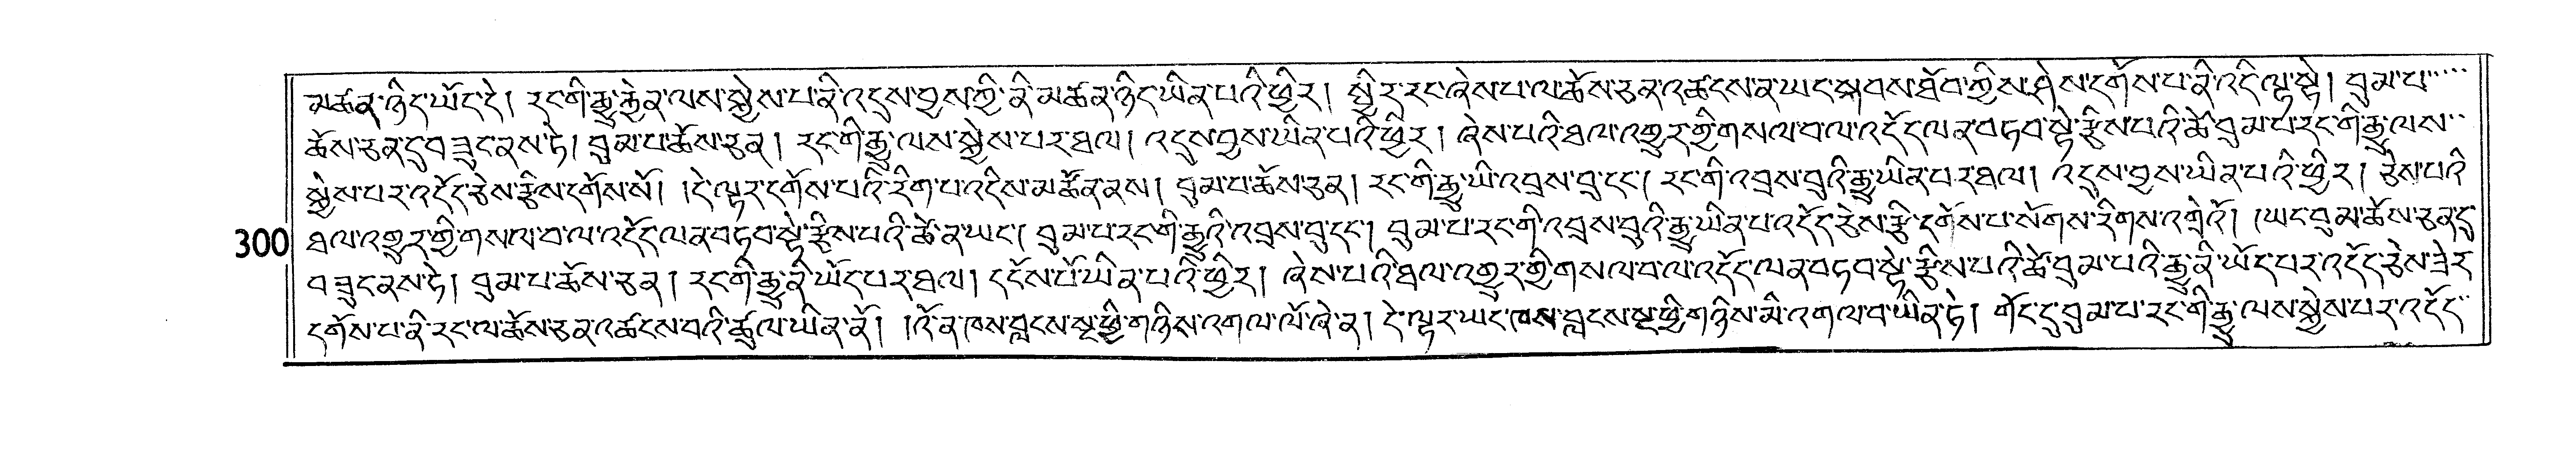མཚན་ཉིད་ཡོད་དེ། རང་གི་རྒྱུ་རྐྱེན་ལས་སྐྱེས་པ་ནི་འདྲས་བྱས་ཀྱི་ནི་མཚན་ཉིད་ཡིན་པའི་ཕྱིར། སྤྱིར་རང་ཞེས་པ་ལ་ཆོས་ཅན་འཚངས་ན་ཡང་སྐབས་ཐོབ་ཀྱིས་ཤེས་དགོས་པ་ནི་འདི་ལྟ་སྟེ། བུམ་པ་
ཆོས་ཅན་དུ་བཟུང་ནས་ཏེ། བུམ་པ་ཆོས་ཅན། རང་གི་རྒྱུ་ལས་སྐྱེས་པར་ཐལ། འདུས་བྱས་ཡིན་པའི་ཕྱིར། ཞེས་པའི་ཐལ་འགྱུར་གྱི་གསལ་བ་ལ་འདོད་ལན་བཏབ་སྟེ་རྩིས་པའི་ཚེ་བུམ་པ་རང་གི་རྒྱུ་ལས་
སྐྱེས་པར་འདོད་ཅེས་རྩིས་དགོས་སོ། །དེ་ལྟར་དགོས་པའི་རིག་པ་འདིས་མཚོན་ནས། བུམ་པ་ཆོས་ཅན། རང་གི་རྒྱུ་ཡི་འབྲས་བུ་དང་། རང་གི་འབྲས་བུའི་རྒྱུ་ཡིན་པར་ཐལ། འདུས་བྱས་ཡིན་པའི་ཕྱིར། ཅེས་པའི་
ཐལ་འགྱུར་གྱི་གསལ་བ་ལ་འདོད་ལན་བཏབ་སྟེ་རྩིས་པའི་ཚེ་ན་ཡང་། བུམ་པ་རང་གི་རྒྱུའི་འབྲས་བུ་དང་། བུམ་པ་རང་གི་འབྲས་བུའི་རྒྱུ་ཡིན་པ་འདོད་ཅེས་རྩི་དགོས་པ་སོགས་རིགས་འགྲེའོ། །ཡང་བུམ་ཆོས་ཅན་དུ་
བཟུང་ནས་ཏེ། བུམ་པ་ཆོས་ཅན། རང་གི་རྒྱུ་ནི་ཡོད་པར་ཐལ། དངོས་པོ་ཡིན་པའི་ཕྱིར། ཞེས་པའི་ཐལ་འགྱུར་གྱི་གསལ་བ་ལ་འདོད་ལན་བཏབ་སྟེ་རྩིས་པའི་ཚེ་བུམ་པའི་རྒྱུ་ནི་ཡོད་པར་འདོད་ཅེས་ཟེར་
དགོས་པ་ནི་རང་ལ་ཆོས་ཅན་འཚངས་བའི་ཚུལ་ཡིན་ནོ། །འོ་ན་ཁས་བླངས་སྔ་ཕྱི་གཉིས་འགལ་ལོ་ཞེ་ན། དེ་ལྟར་ཡང་ཁས་བླངས་སྔ་ཕྱི་གཉིས་མི་འགལ་བ་ཡིན་ཏེ། གོང་དུ་བུམ་པ་རང་གི་རྒྱུ་ལས་སྐྱེས་པར་འདོད་